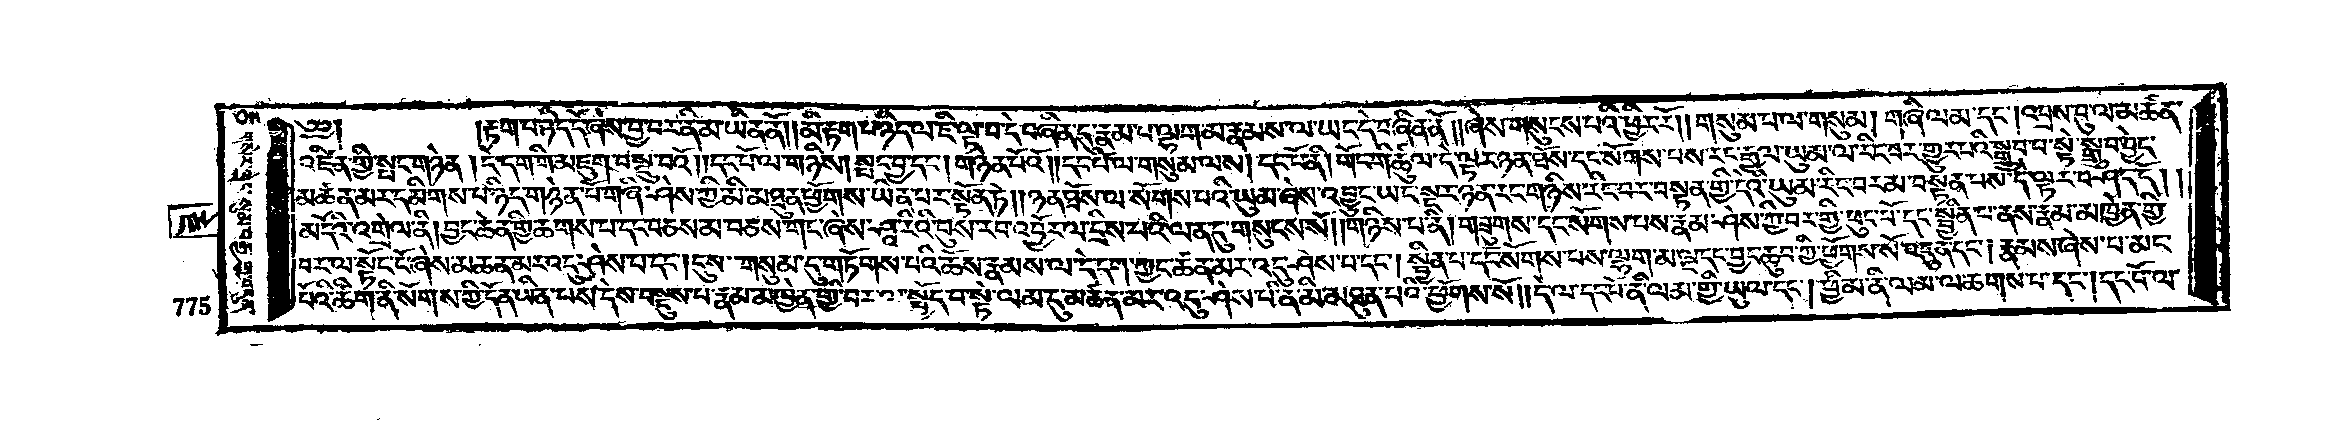༄༅། །རྟག་པ་ཉིད་དོ་ཞེས་བྱ་བར་ནི་མ་ཡིན་ནོ། །མི་རྟག་པ་ཉིད་ལ་ཇི་ལྟ་བ་དེ་བཞིན་དུ་རྣམ་པ་ལྷག་མ་རྣམས་ལ་ཡང་དེ་བཞིན་ནོ། །ཞེས་གསུངས་པའི་ཕྱིར་རོ། །གསུམ་པ་ལ་གསུམ། གཞི་ལམ་དང་། འབྲས་བུ་ལ་མཚན་
འཛིན་གྱི་སྤང་གཉེན། དེ་དག་གི་མཇུག་བསྡུ་བའོ། །དང་པོ་ལ་གཉིས། སྤང་བྱ་དང་། གཉེན་པོའོ། །དང་པོ་ལ་གསུམ་ལས། དང་པོ་ནི། གོང་གི་ཚུལ་དེ་ལྟར་ཉན་ཐོས་དང་སོགས་པས་རང་རྒྱལ་ཡུམ་ལ་རིང་བར་གྱུར་པའི་སྒྲུབ་པ་སྟེ་སྒྲུབ་བྱེད་
མཚན་མར་དམིགས་པ་ཉིད་གཉེན་པོ་གཞི་ཤེས་ཀྱི་མི་མཐུན་ཕྱོགས་ཡིན་པར་སྟོན་ཏེ། །ཉན་ཐོས་ལ་སོགས་པའི་ཡུམ་ཞེས་འབྱུང་ཡང་སྔར་ཉན་རང་གཉིས་རིང་བར་བསྟན་གྱི་དེའི་ཡུམ་རིང་བར་མ་བསྟན་པས་དེ་ལྟར་བཤད་དོ། །
མདོའི་འགྲེལ་ནི། བྱང་ཆེན་གྱི་ཆགས་པ་དང་བཅས་མ་བཅས་གང་ཞེས་ཤཱ་རིའི་བུས་རབ་འབྱོར་ལ་དྲིས་པའི་ལན་དུ་གསུངས་སོ། །གཉིས་པ་ནི། གཟུགས་དང་སོགས་པས་རྣམ་ཤེས་ཀྱི་བར་གྱི་ཕུང་པོ་དང་སྦྱིན་པ་ནས་རྣམ་མཁྱེན་གྱི་
བར་ལ་སྟོང་ངོ་ཞེས་མཚན་མར་འདུ་ཤེས་པ་དང་། དུས་གསུམ་དུ་གཏོགས་པའི་ཆོས་རྣམས་ལ་དེ་དག་ཀྱང་ཚན་མར་འདུ་ཤེས་པ་དང་། སྦྱིན་པ་དང་སོགས་པས་ལྷག་མ་ལྔ་དང་བྱང་ཆུབ་ཀྱི་ཕྱོགས་སོ་བདུན་དང་། རྣམས་ཞེས་པ་མང་
པོའི་ཚིག་ནི་སོགས་ཀྱི་དོན་ཡིན་པས་དེས་བསྡུས་པ་རྣམ་མཁྱེན་གྱི་བར་ལ་སྤྱོད་པ་སྟེ་ལམ་དུ་མཚན་མར་འདུ་ཤེས་པ་ནི་མི་མཐུན་པའི་ཕྱོགས་སོ། །དེ་ལ་དང་པོ་ནི་ལམ་གྱི་ཡུལ་དང་། ཕྱི་མ་ནི་ལམ་ལ་ཆགས་པ་དང་། དང་པོ་ལ་